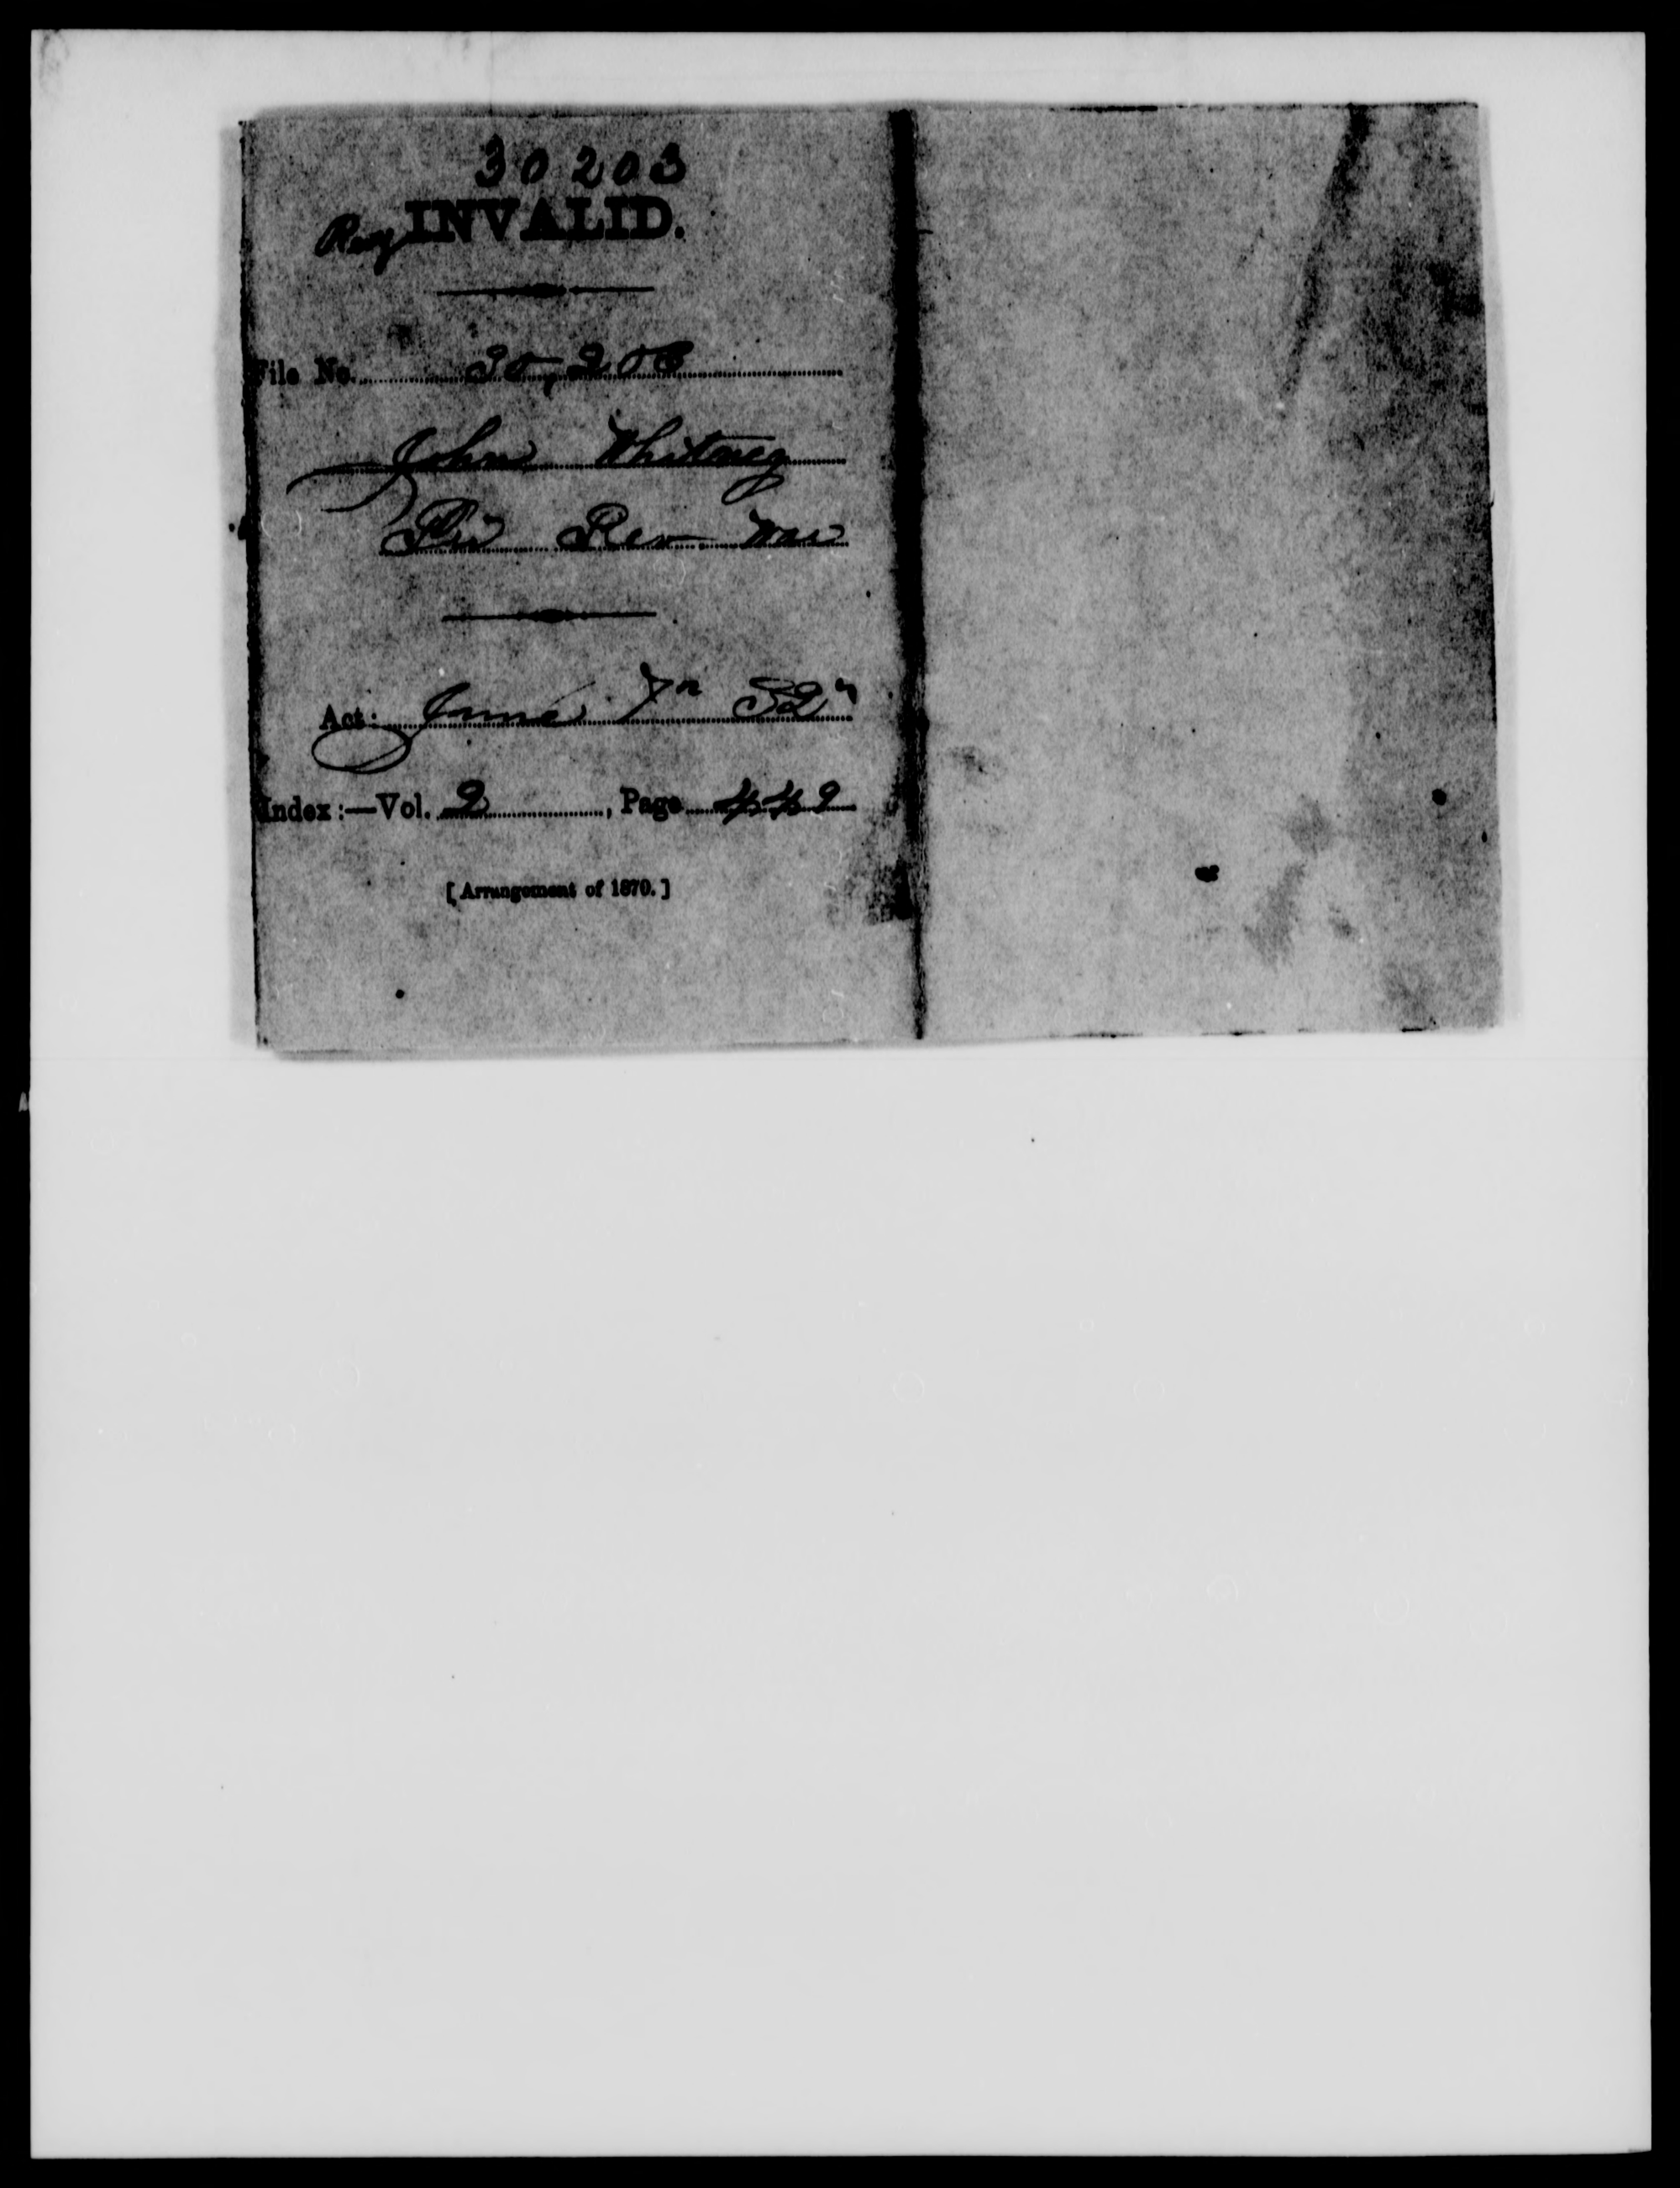30203
Revy INVALID

File No. 30203
John Whitney
Pri Rev War
Act: June 7th '32
Index: Vol. 2 Page 449

[Arrangement of 1870]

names: John Whitney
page: 3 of 10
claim: survivor's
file: S. 30,203, John Whitney, Mass.